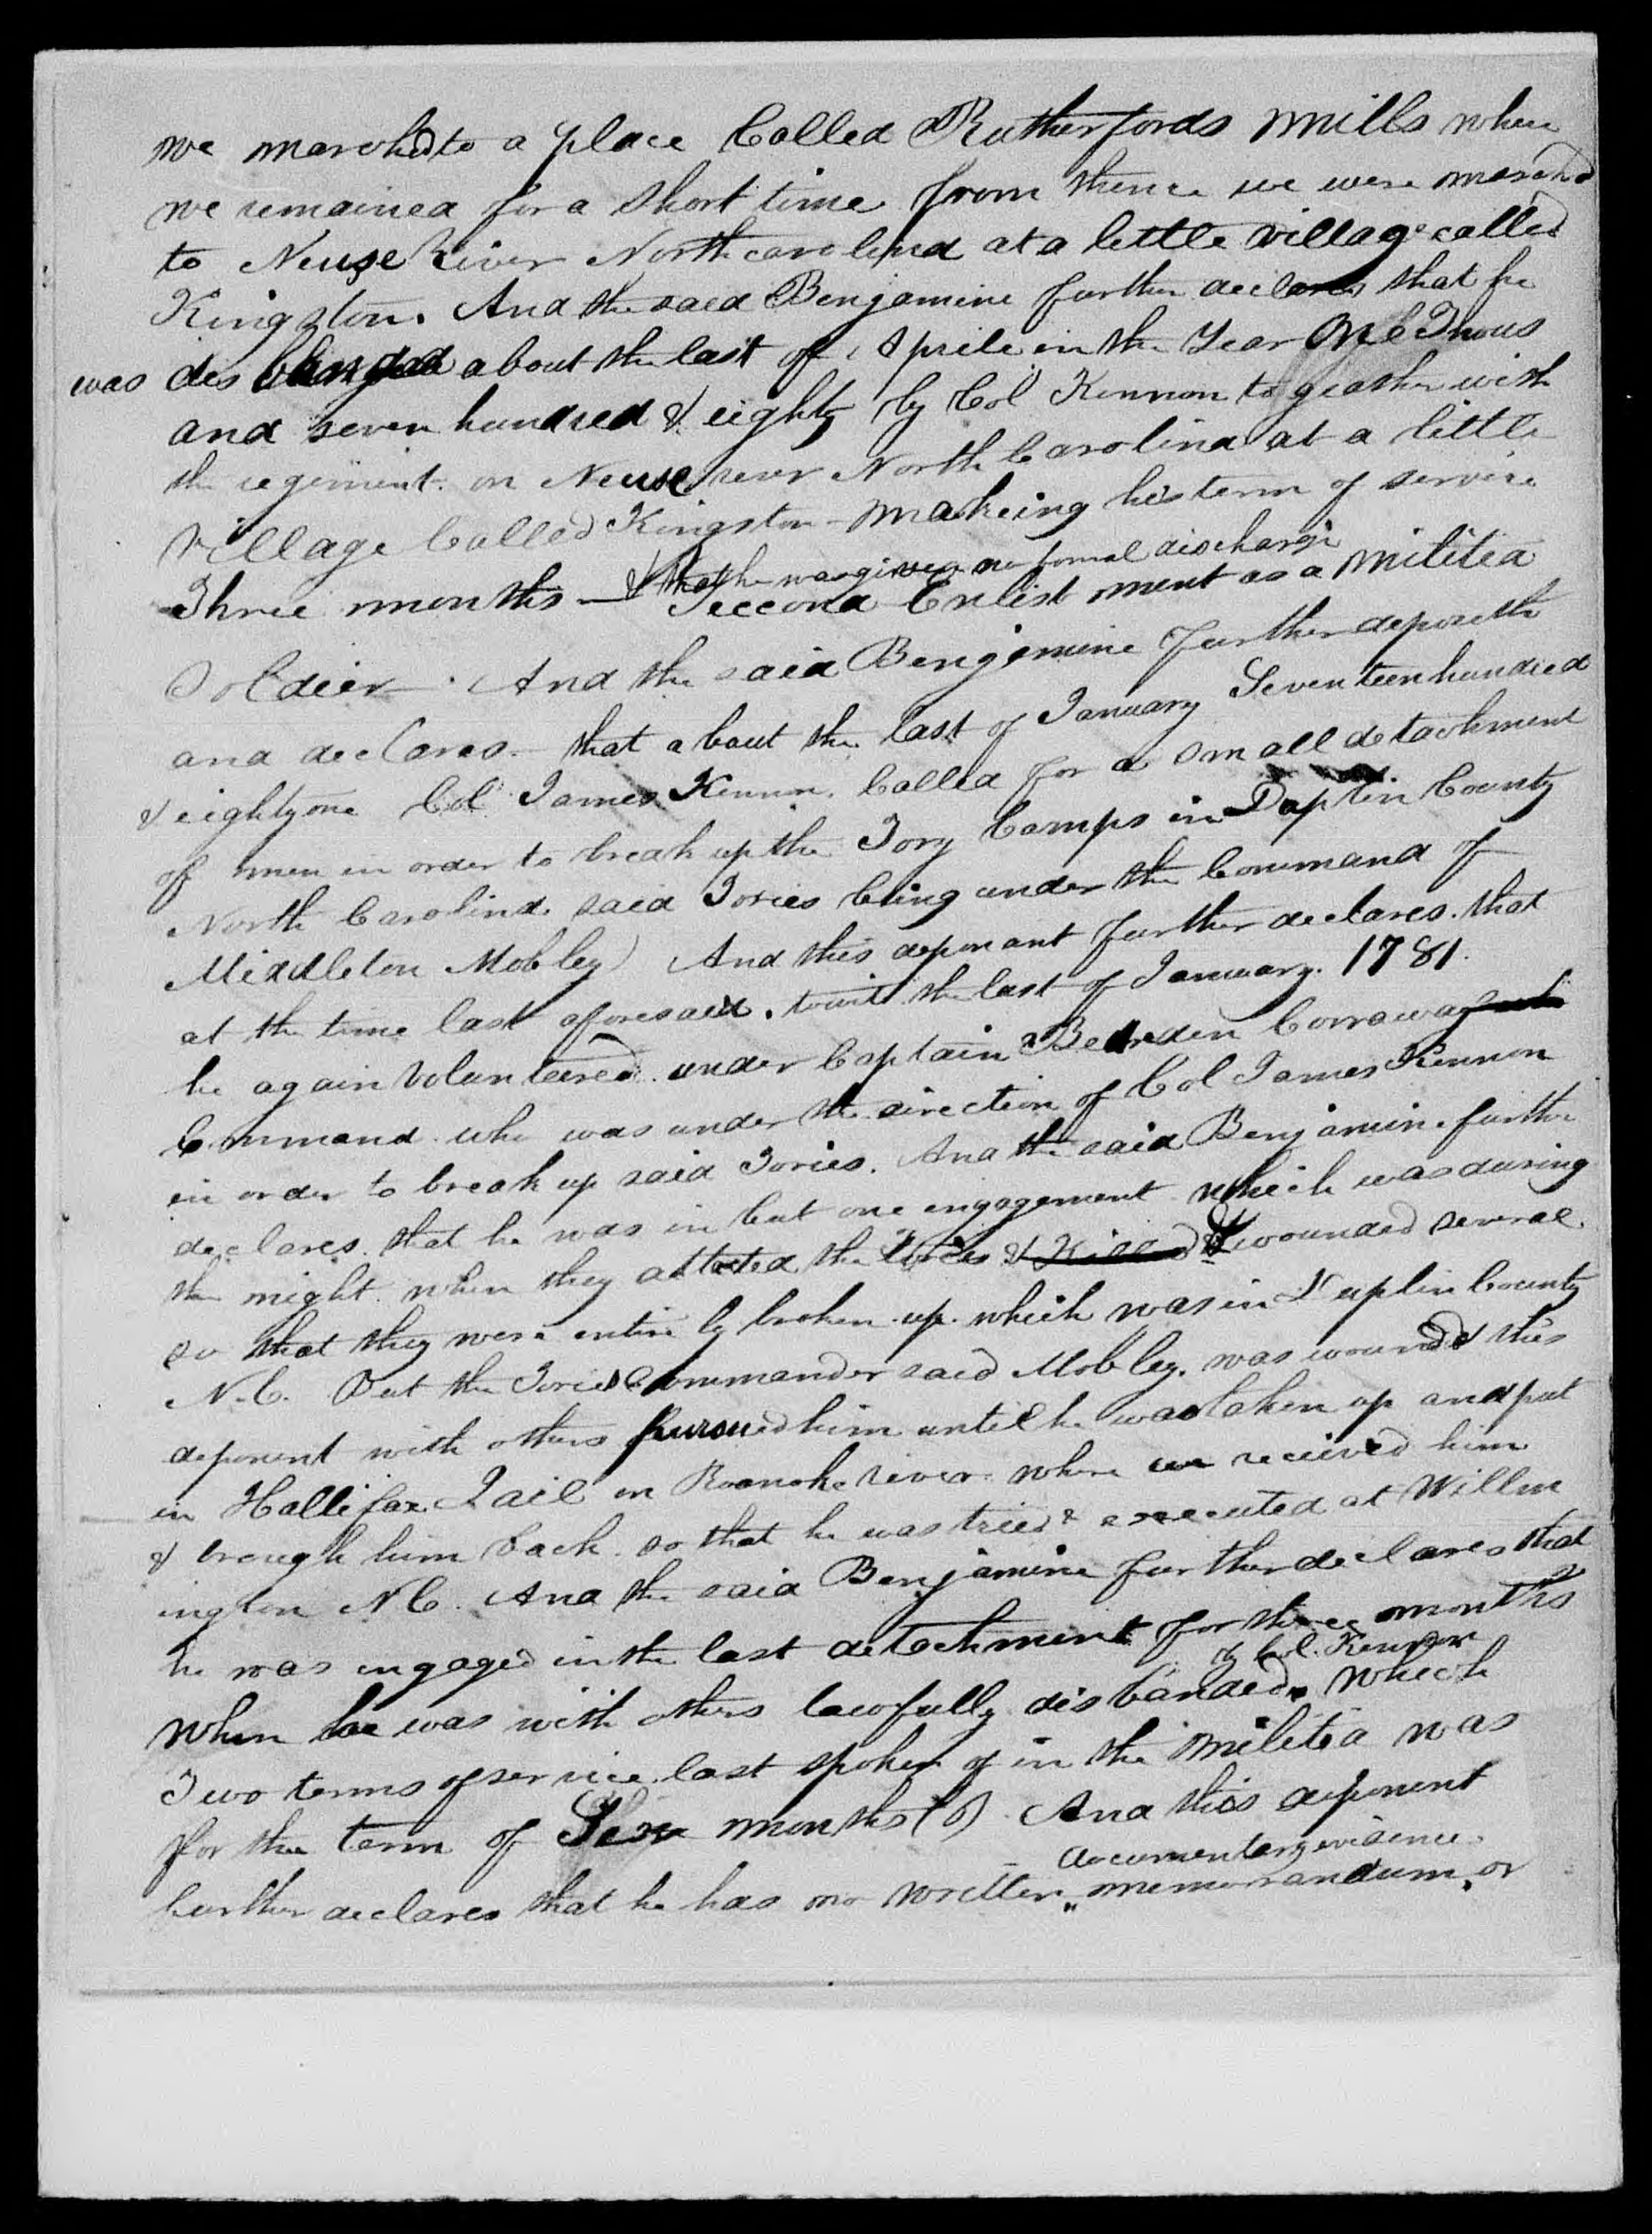we marched to a place called Rutherfords mills where we remained for a short time from thence we were marched to New River North Carolina at a little village called Kingston. And the said Benjamin further declares that he discharged about the last of April in the year one thousand seven hundred & eighty by Col Kennon to geather with the regiment in Newseper North Carolina at a little age called Kingston making his term of service Three months he was given a discharge second Enlistment as a Militia soldier 

And the said Benjamine further deposeth and declares, that about the last of January Seventeen hundred eighty one Col James Kennon, called for a small detachment of men in order to break off the Tory Camps in Duplin County North Carolina said Tories being under the command of Middleton Mobley. And this deponent further declares that at the time last aforesaid, with the last of January 1781 he again volunteered under Captain Bedder Corraway command who was under the direction of Col James Kennon in order to break up said Tories. And the said Benjamin further declares that he was in but one engagement which was during the night when they attended the wounded several so that they were entirely broken up which was in Duplin County N.C. But the Tories commander said Mobley, was wounded this deponent with others pursued him until he was taken up and put in Hallifax Jail in Roanoke river where we received him & brough him back so that he was tried & executed at Willinington NC. And the said Benjamin further declares that he was engaged in the last detachment for three months when he was with others lawfully disbanded by Capt Kennon, which Two terms of service last spoken of in the militia was for the term of one month (). And this deponent further declares that he has no written documentary evidence that he has no written memorandum or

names: James Kennon, Benjamine, Kennon, James Kennon, Kennon, Benjamine, Berden Corraway, Benjamine, Benjamine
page: 31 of 62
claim: survivor's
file: S. 38816, Benjamin Harris, Mass.